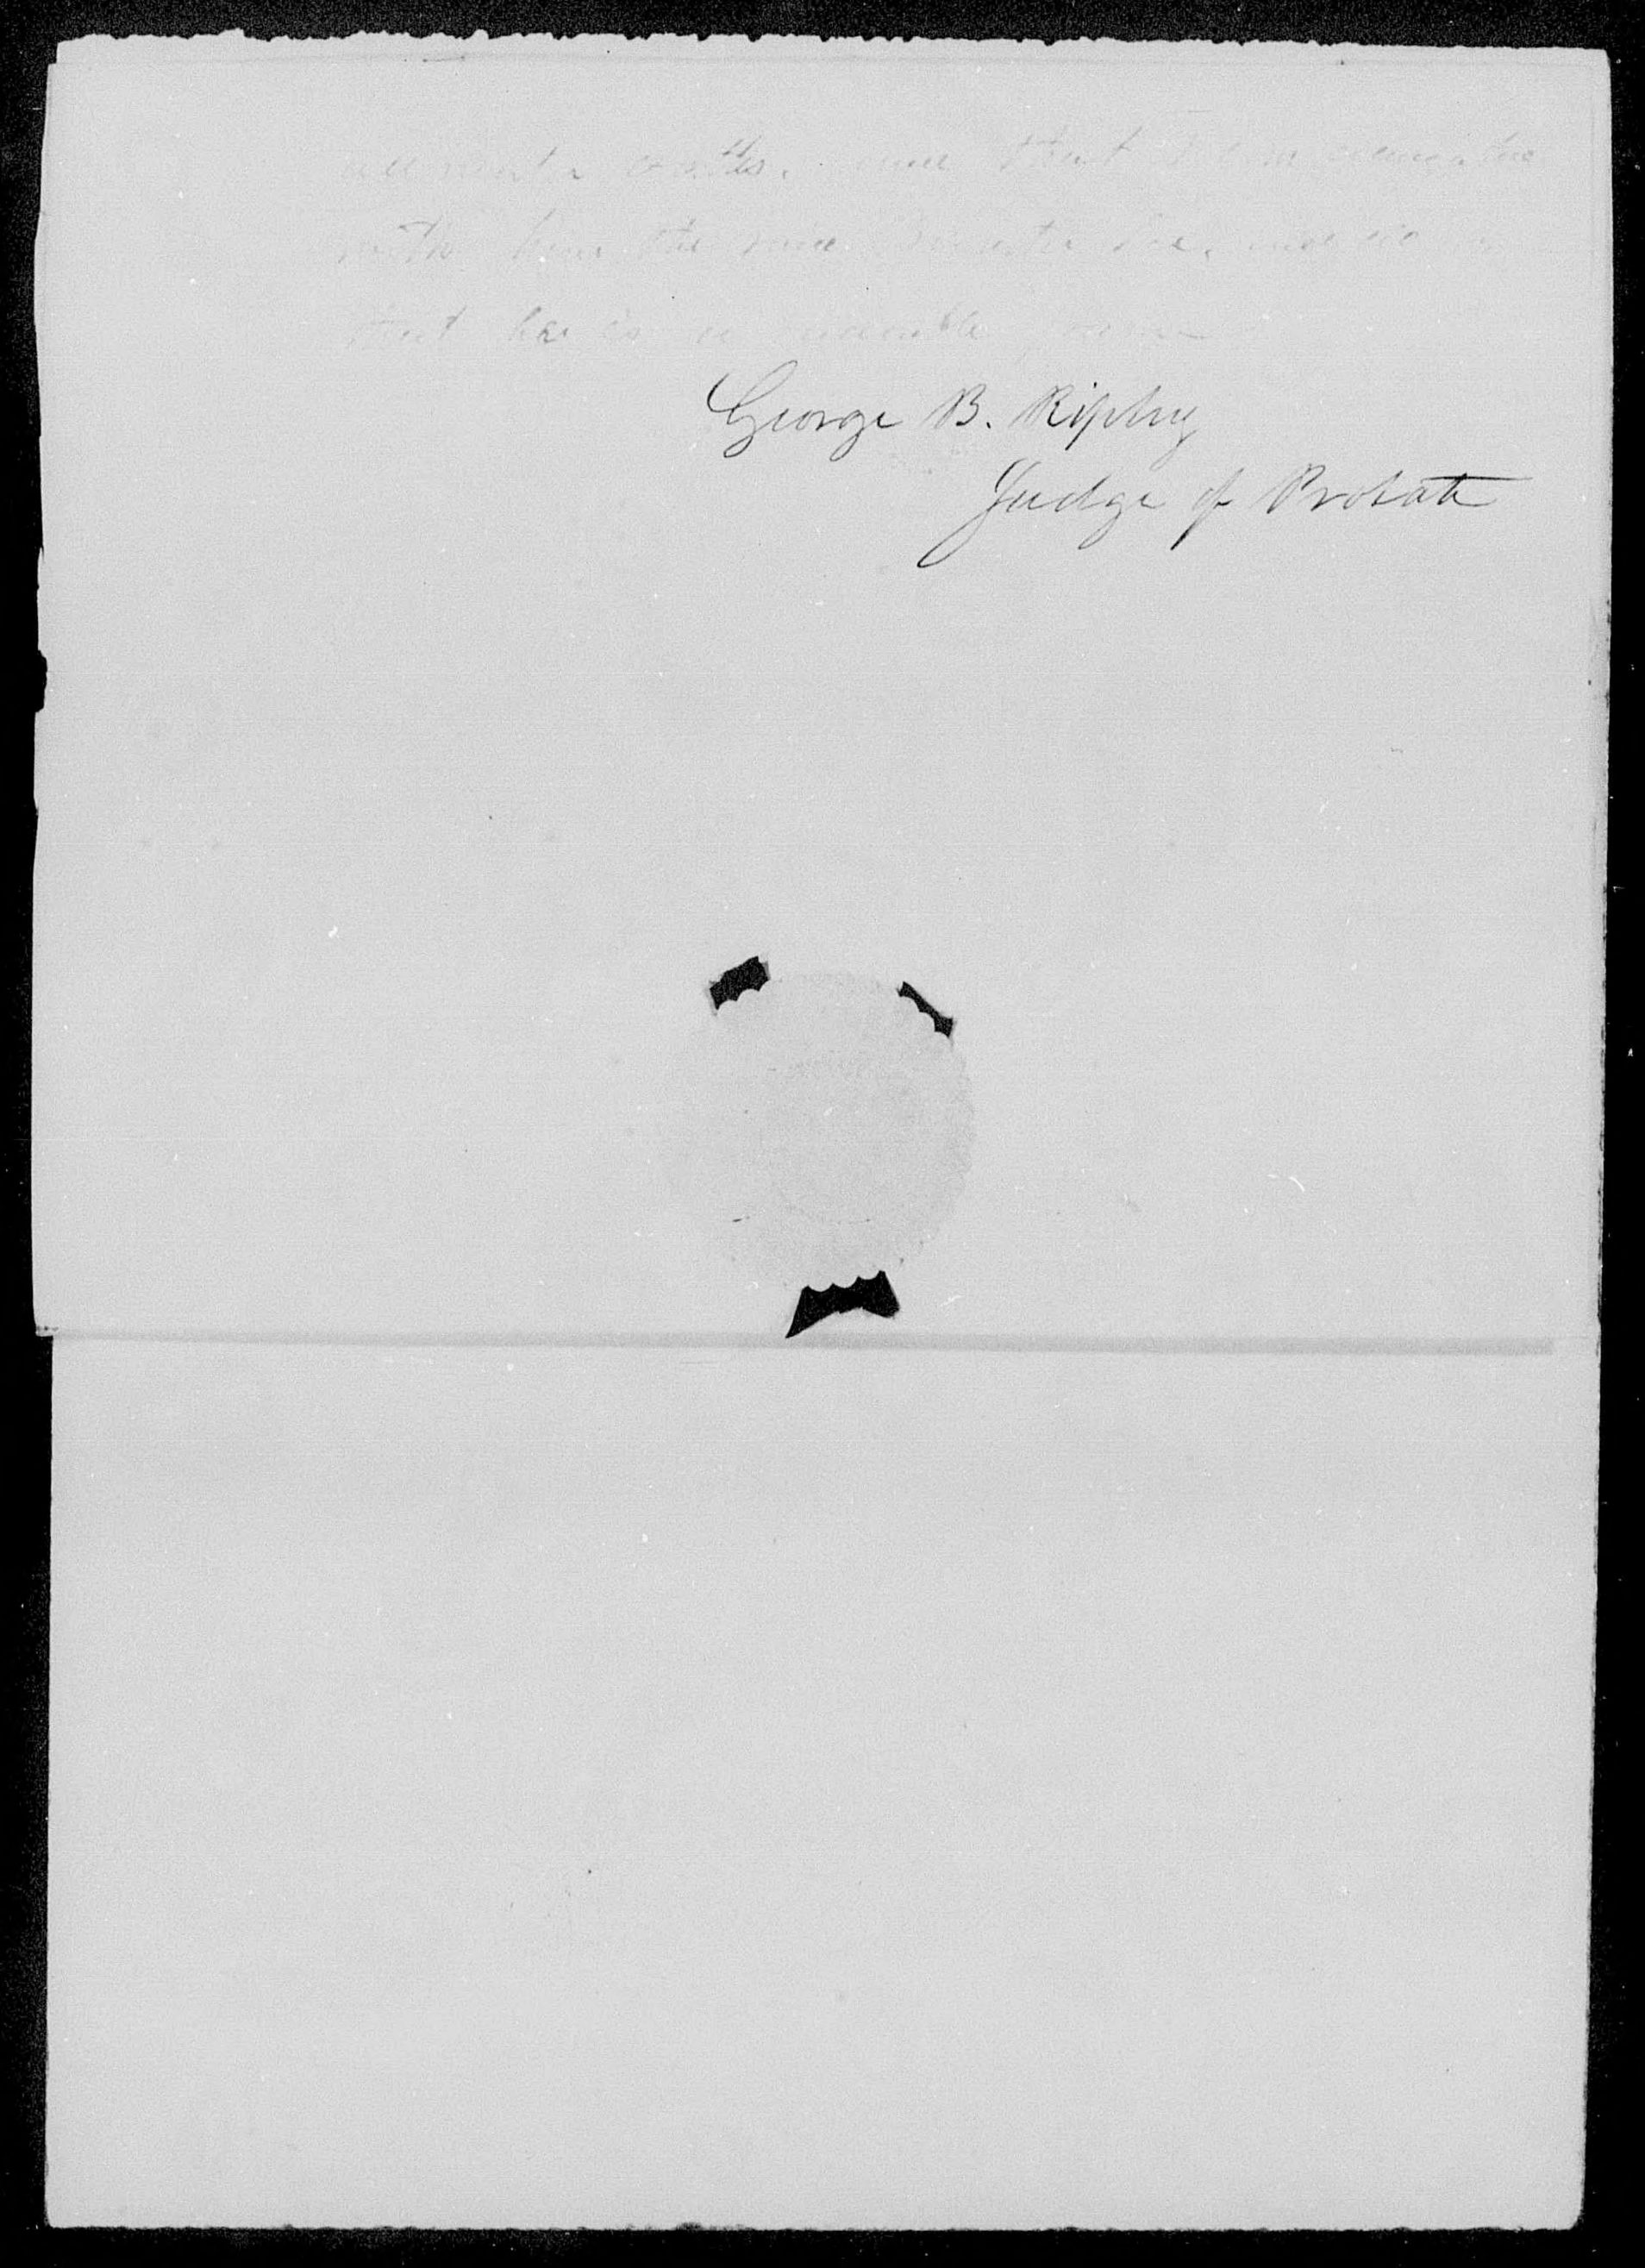#55
administer oaths, and that I am acquainted with him the said Brewster Lee, and say that he is a credible witness.

George B. Ripley
Judge of Probate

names: George B Ripley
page: 55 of 66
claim: widow's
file: W 1850, David Gardner, Conn.